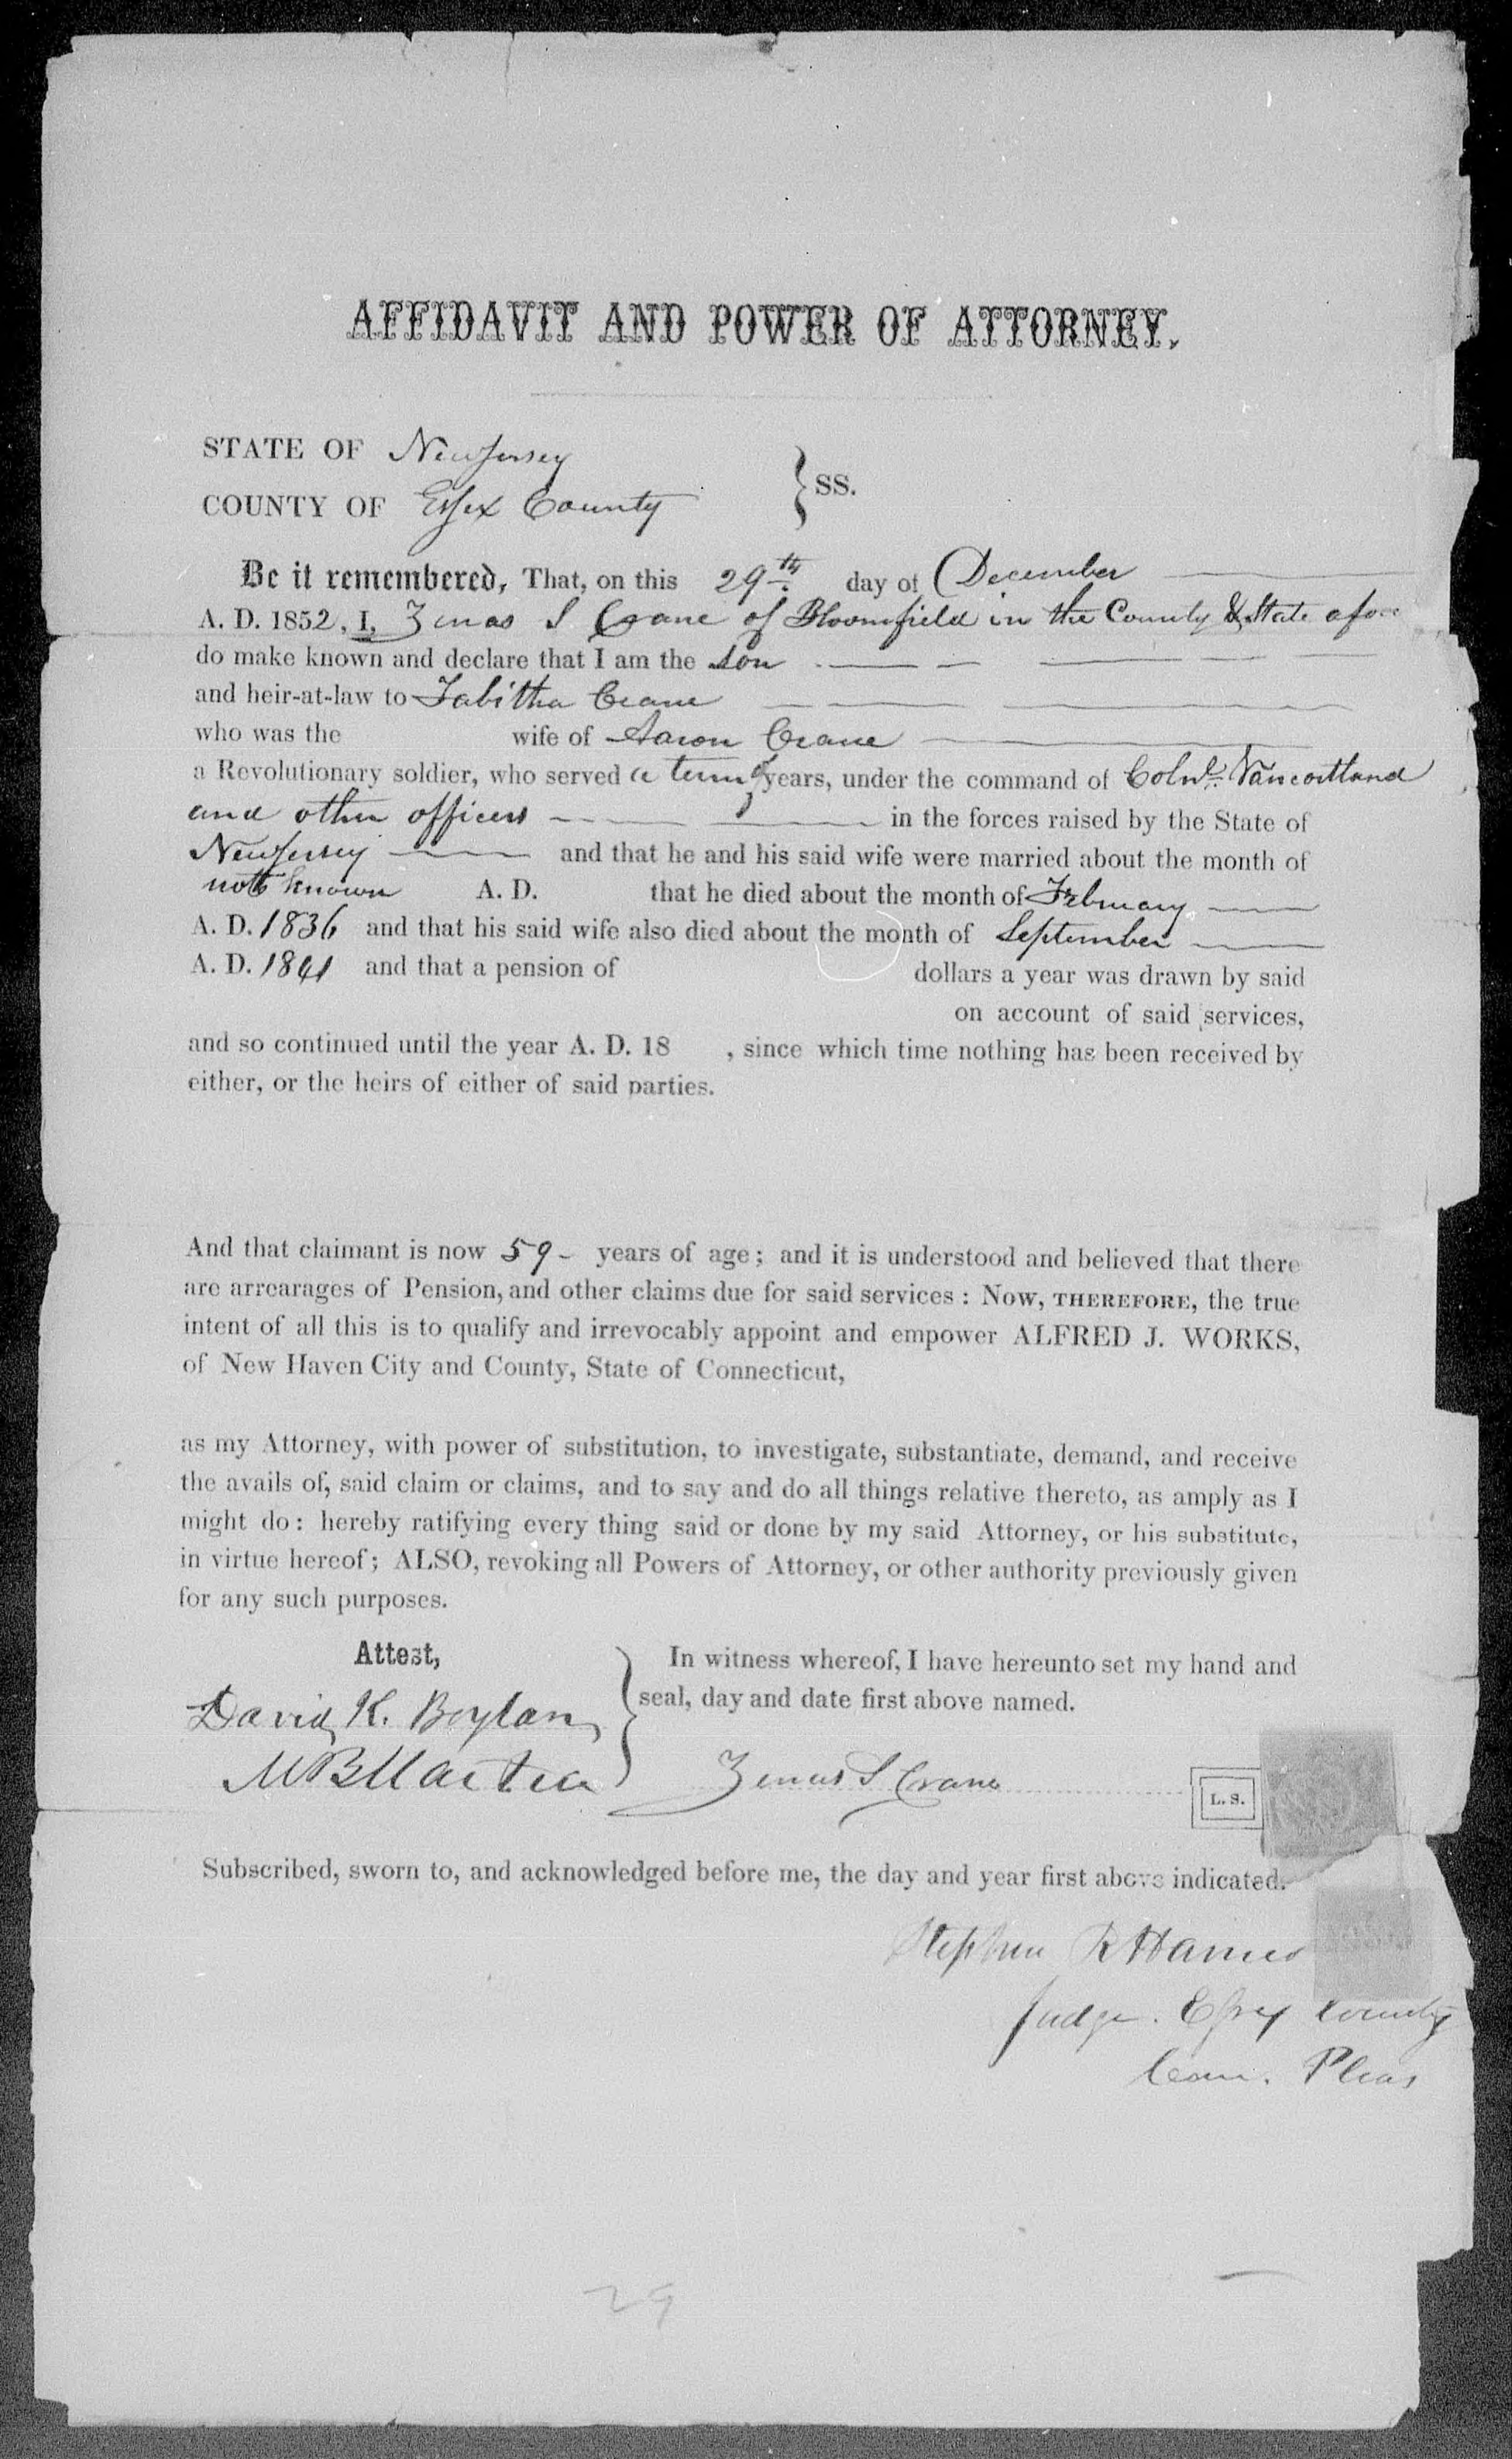.                                                          AFFIDAVIT AND POWER OF ATTORNEY


STATE OF New Jersey
                                              SS:
COUNTY OF Essex

Be it remember, That , on this 29th dayof December

A. D. 1852, I. Zenas I Crane of Bloomfield in the County & State  aforesaid

do make know and declare that i am the son

and here - at - law to Tabitha Crane

who was the                 wife of Aaron Crane

a Revolutionary soldier, who served a term of years, under the command of Colnl Van Cortland

and other officers in the forces raised by the State of

New Jersey and that he and his said wife were married about the month of

not known A. D.               that he died about the month of February

A. D. 1836 and that his said wife also died about the month of September

A. D. 1841 and that a pension of                                                    dollars a year was drawn by said

                                                                                                                     on account of said services,

and so continued until the year A. D. 18           , since which time nothing has been received by

either, or the heirs of either of said parties.



And that claimant is now 59 years of age; and it is understood and believed that there 

are arrearages of Pension, and other claims due for said services;  NOW, THEREFORE, the ture 

intent of all this is to qualify and irrevocably aooiubt and empower ALFRED J. WORKS,

of New Haven City and County, State of Connecticut,



as my Attorney, with power of substitution, to invetigate, substantiate, demand, and received

the avails of, said claim or claims, and to say and do all things relative thereto, as amply as I 

might do:  hereby ratifying every thing said or done by my said Attorney, or his substitute,

in virtue hereof;  ALSO, revoking all Powers of Attorney, or other authority previously given

for such purposes.


Attest                                 In witness whereof, I have herunto set my hand and 

David K Boyton             seal, day and date first above named.

M B Martin                       Zenas S. Cranes                                                                L. S.

 
Subscribed, sworn to, and acknowledged before me, the day and year first above indicated

                                                                              Stephen R. Haines

                                                                               Judge Essrx County

                                                                               ? Pleas


                                                                                        29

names: Aaron Crane, Alfred J Works, Zenas S Crane, Van Cortland, David K Boyton, Stephen R Haines, Tabitha Crane, Zenas S Crane, M B Martin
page: 10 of 32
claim: rejected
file: R. 2441, Aaron Crane, New Jersey